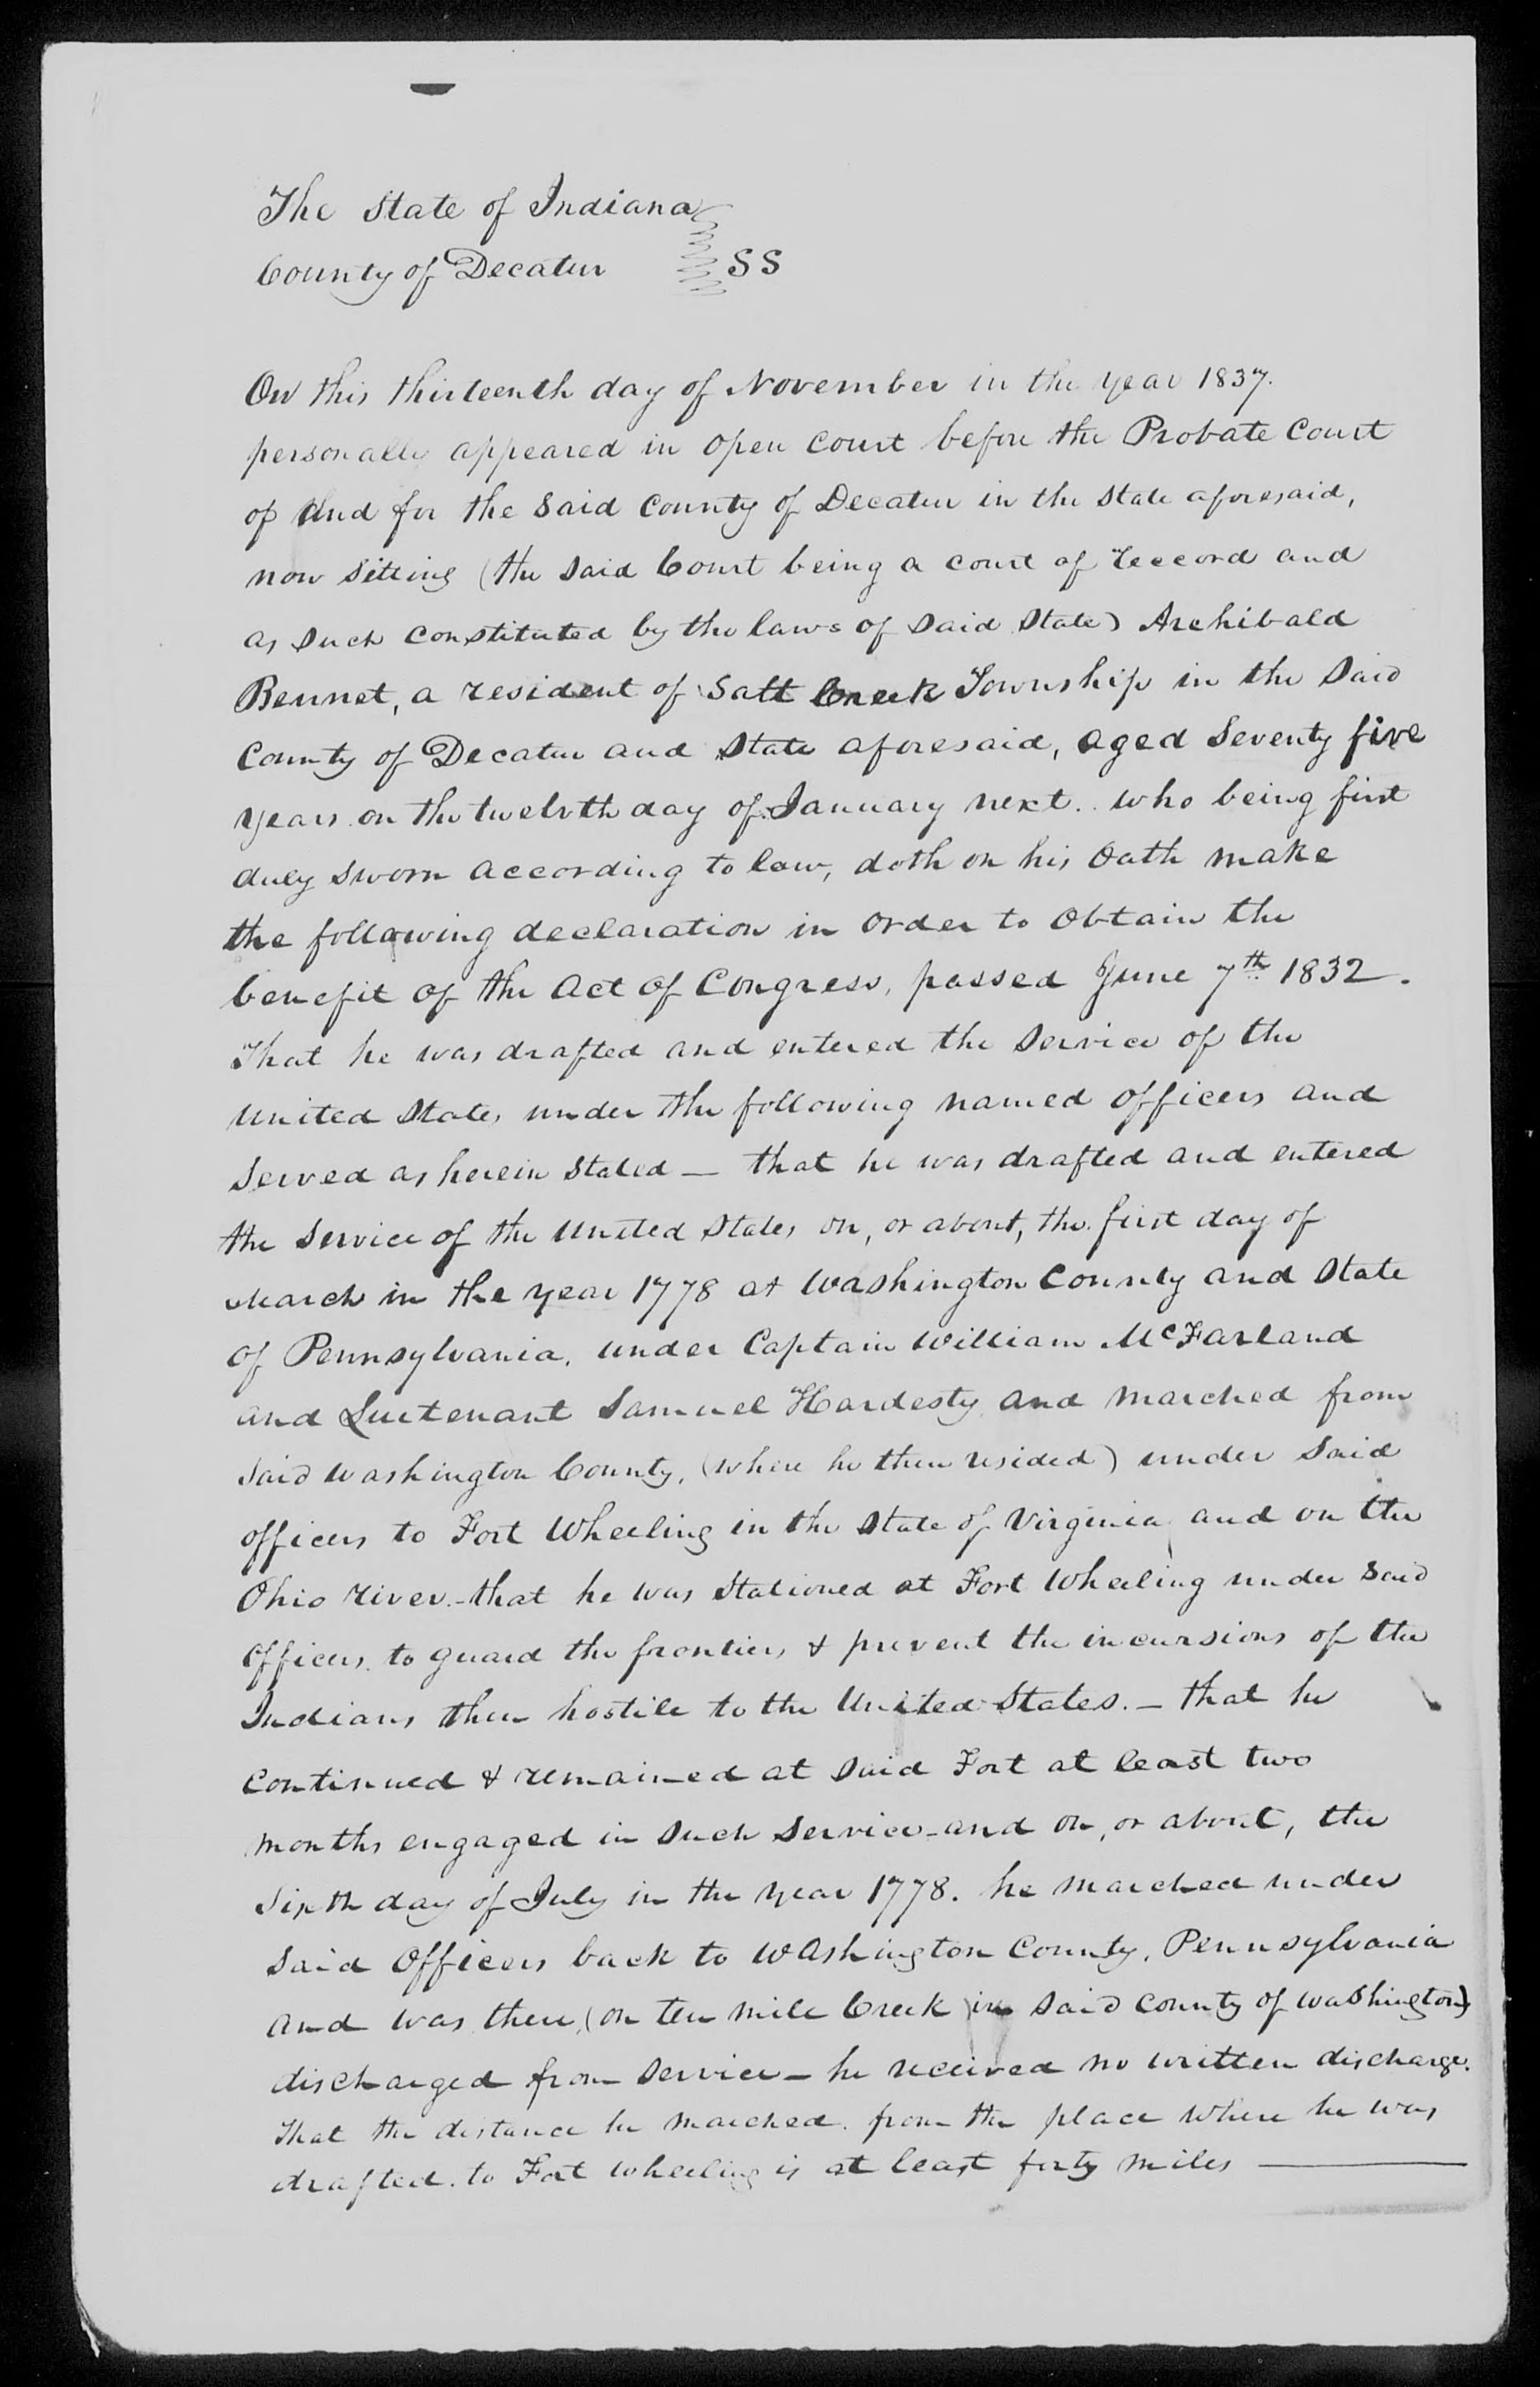The State of Indiana
County of Decatur

On this thirteenth day of November in the year 1837 personally appeared in open court before the probate court of and for the said county of Decatur in the state aforesaid, now sitting (the said court being a court of record and as such constituted by the laws of said state) Archibald Bennet, a resident of Salt Creek Township in the said county of Decatur and state aforesaid, aged seventy-five years on the twelfth day of January next, who being first duly sworn according to law doth on his oath make the following declaration in order to obtain the benefit of the act of Congress passed June 7th 1832.  That he was drafted and entered the service of the United States under the following named officers and served as herein stated.

That he was drafted and entered the service of the United States on or about the first day of March in the year 1778 at Washington County and state of Pennsylvania under Captain William McFarland and Lieutenant Samuel Hardesty and marched from said Washington County (where he then resided) under said officers to Fort Wheeling in the state of Virginia and on the Ohio River; that he was stationed  at Fort Wheeling under said officers to guard the frontier and prevent the incursion of the Indians there hostile to the United States.

That he continued and remained at said Fort at least two months engaged in such service and on or about the sixth day of July in the year 1778 he marched under said officers back to Washington County, Pennsylvania and was there (on Ten Mile Creek in said county of Washington) discharged from service.  He received no written discharge.  That the distance he marched from the place where he was drafted to Fort Wheeling is at least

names: Samuel Hardesty, William Mc Farland, Archibald Bennet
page: 2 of 9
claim: rejected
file: R 749, Archibald Bennet, Penn.